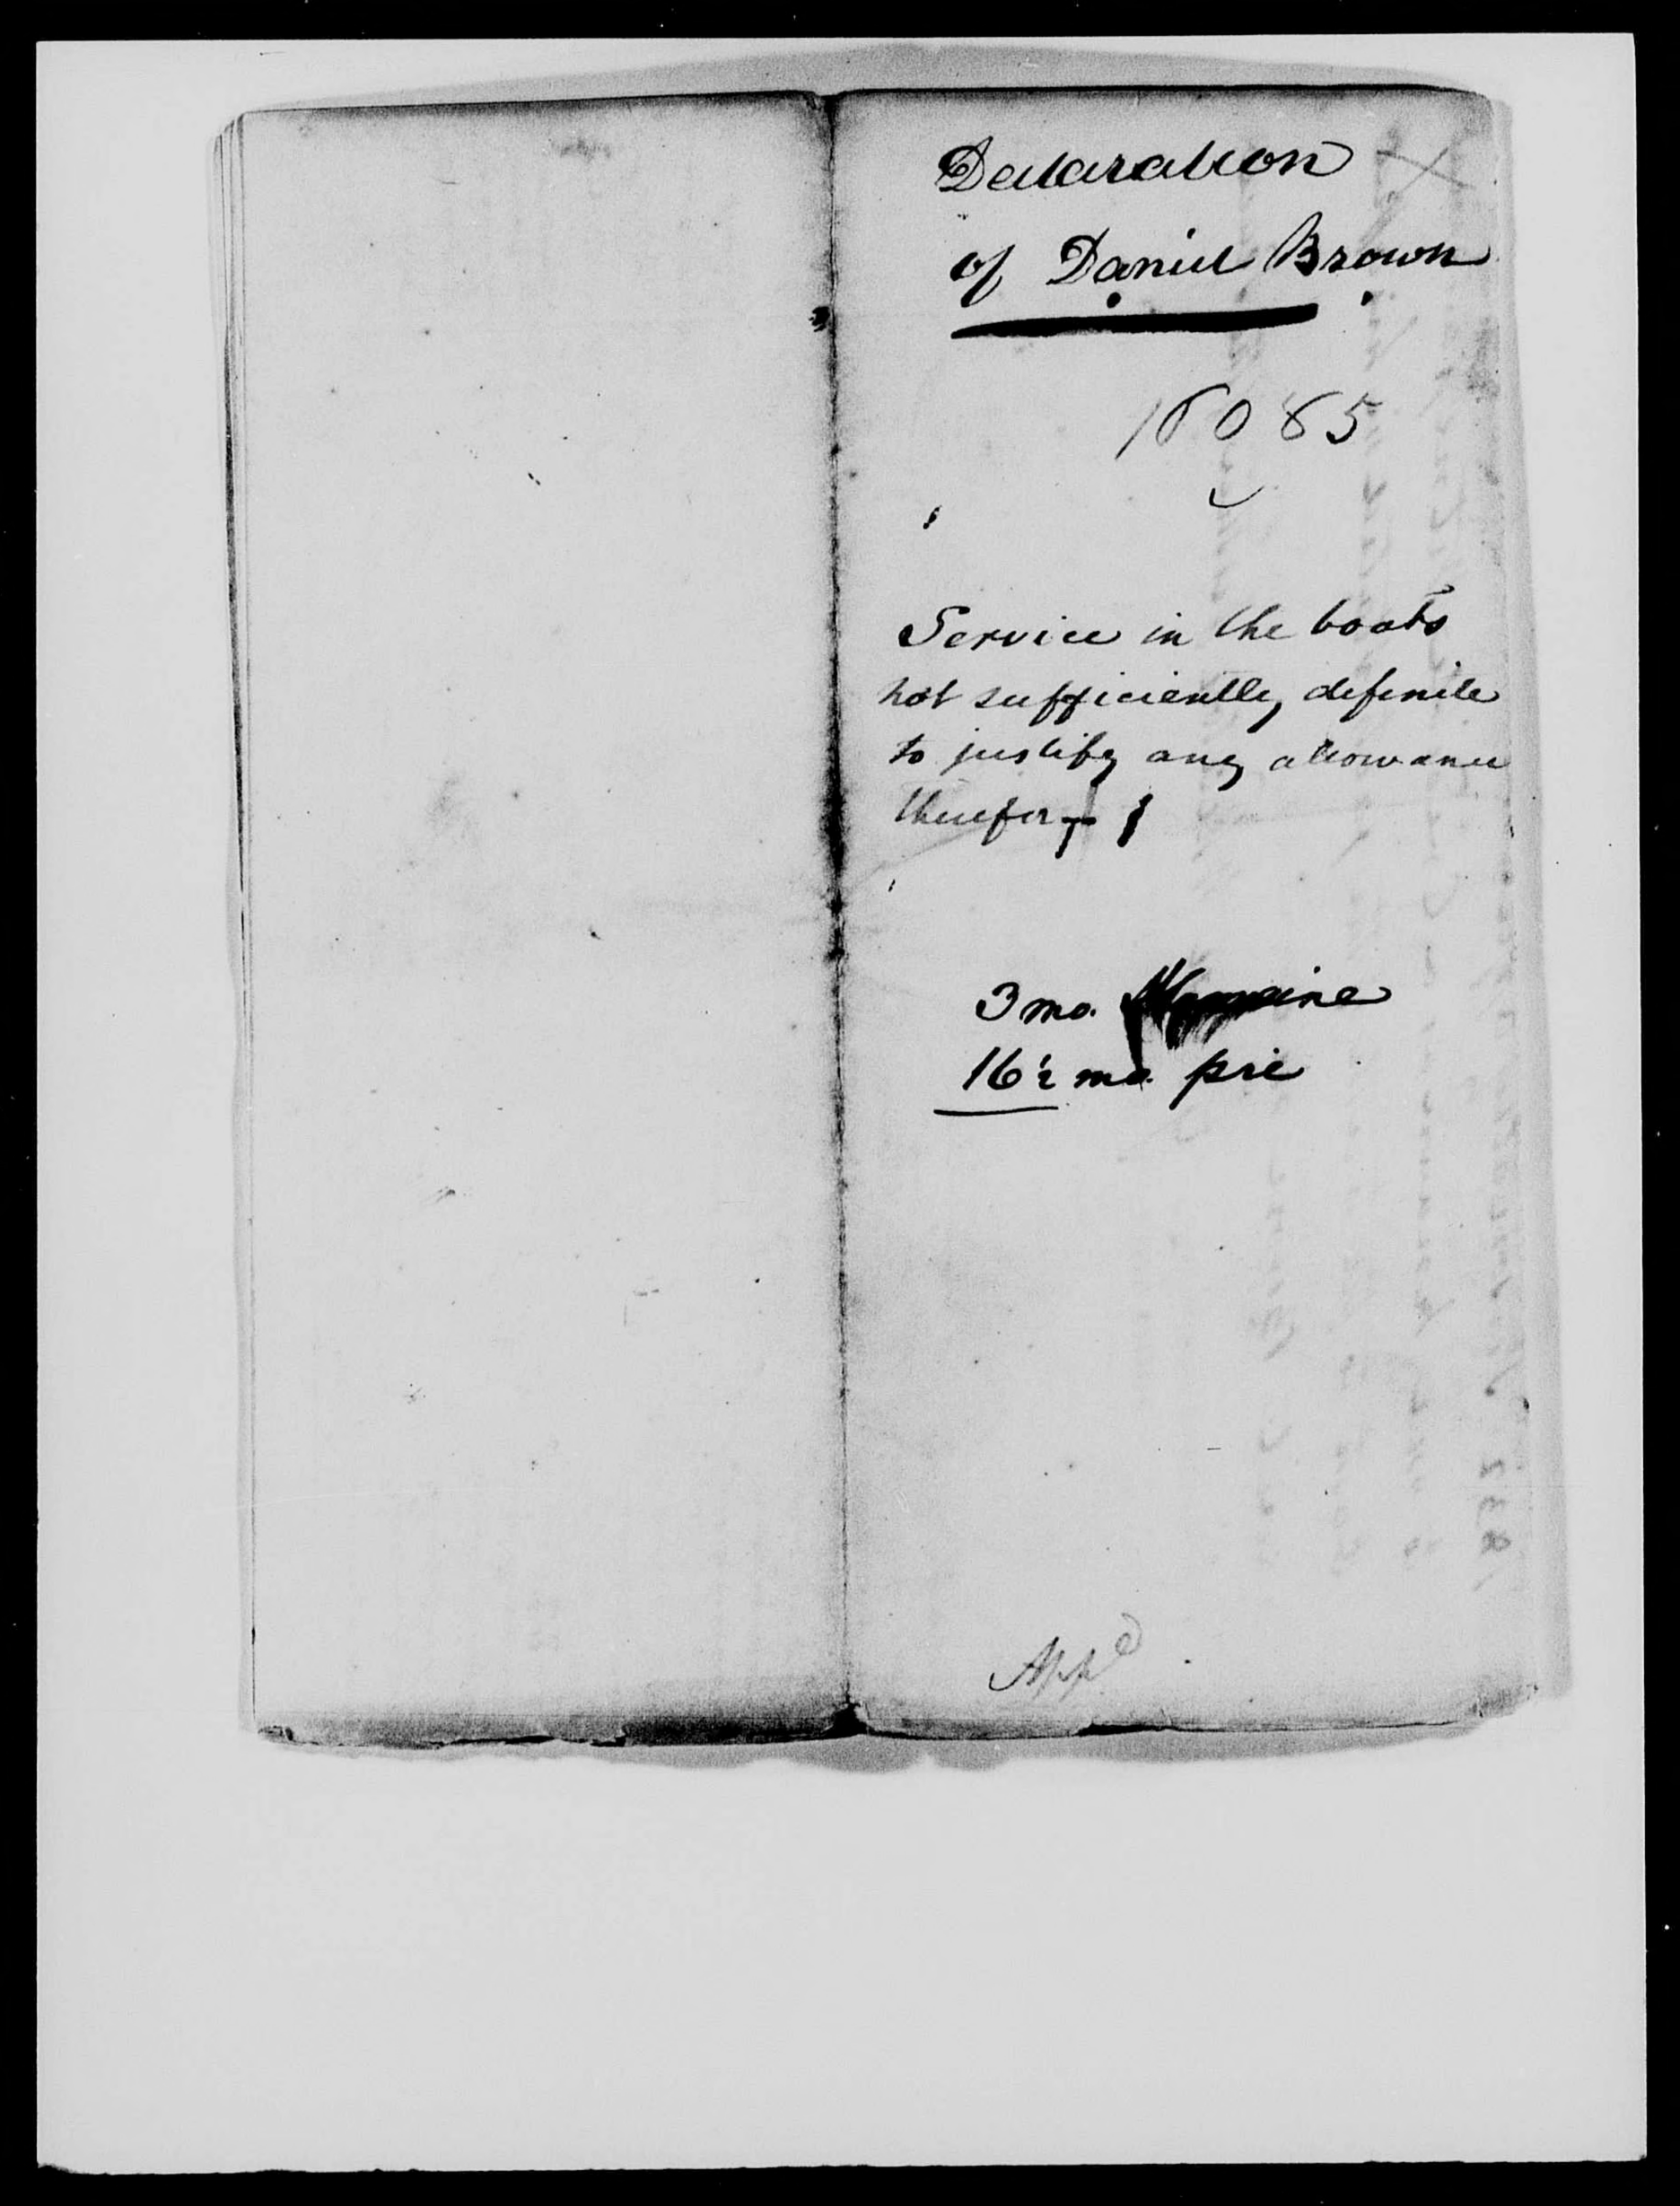Declaration 
of Daniel Brown

16085


Service in the books not sufficiently definite to justify any allowance 
Therefor, 



       3 mo, 
      16 1/2 mo. Pre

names: Daniel Brown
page: 20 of 37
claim: widow's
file: W. 20,787, Daniel Brown, Conn. Navy.